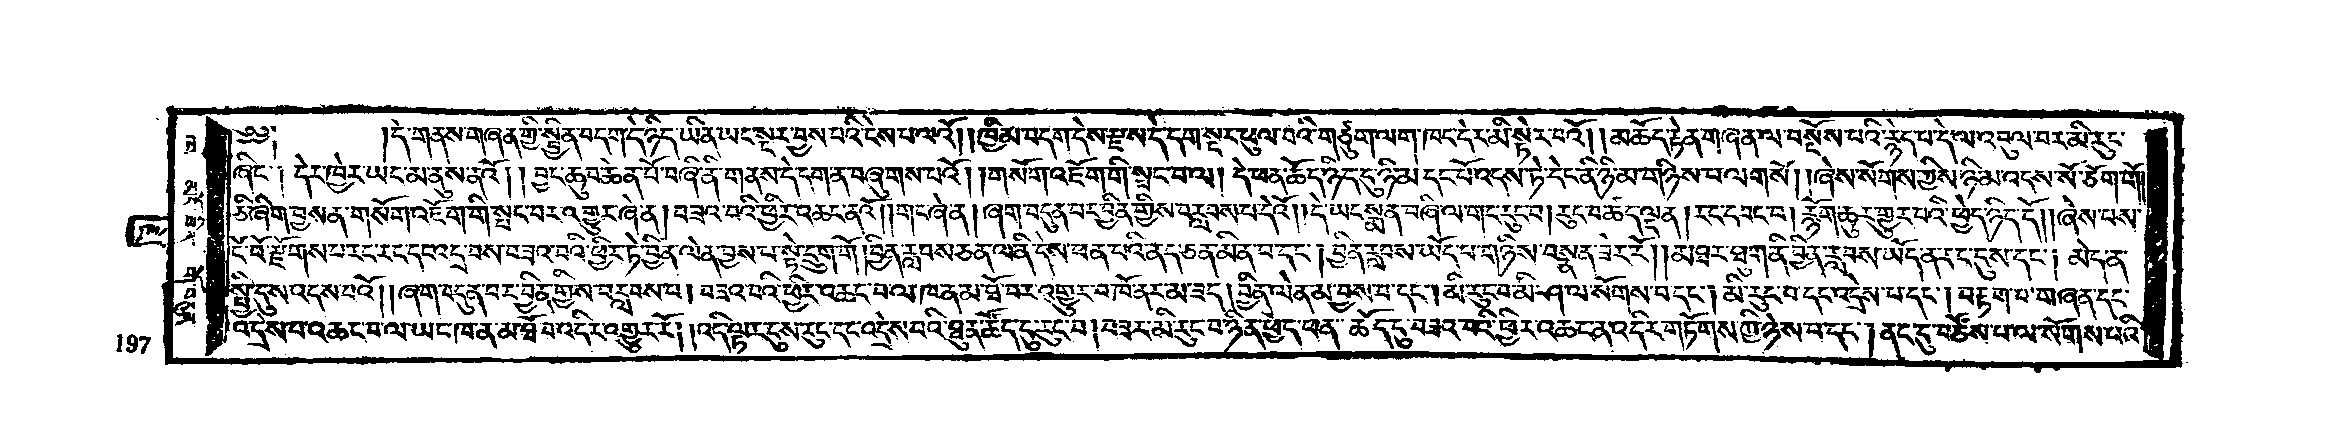༄༅། །དེ་གནས་གཞན་གྱི་སྦྱིན་བདག་དེ་ཉིད་ཡིན་ཡང་སྔར་བྱས་པའི་ངེས་པ་ལའོ། །ཁྱིམ་བདག་དེས་རྫས་དེ་དག་སྔར་ཕུལ་བའི་གཙུག་ལག་ཁང་དེར་མི་སྟེར་བའོ། །མཆོད་རྟེན་གཞན་ལ་བསྔོས་པའི་རྙེད་པ་དེ་ལ་འབུལ་བར་མི་རུང་
ཞིང་། དེར་ཁྱེར་ཡང་མ་ནུས་ནའོ། །བྱང་ཆུབ་ཆེན་པོ་བཞི་ནི་གནས་དེ་དག་ན་བཞུགས་པའོ། །གསོག་འཇོག་གི་སྤང་བ་ལ། དེ་ཕན་ཆོད་ཉིད་དུ་ཉི་མ་དང་པོ་འདས་ཏེ་དེང་ནི་ཉི་མ་གཉིས་པ་ལགས་སོ། །ཞེས་སོགས་ཀྱིས་ཉི་མ་འདས་སོ་ཅོག་གོ།
ཅི་ཞིག་བྱས་ན་གསོག་འཇོག་གི་སྤང་བར་འགྱུར་ཞེ་ན། བཟའ་བའི་ཕྱིར་འཆང་ནའོ། །གང་ཞེ་ན། ཞག་བདུན་པར་བྱིན་གྱིས་བརླབས་པ་དེའོ། །དེ་ཡང་སྨན་བཞི་ལ་གང་རུང་བ། རུང་བ་ཚད་ལྡན། རང་དབང་བ། རྙོག་ཆུར་གྱུར་པའི་ཕྱེད་ཉིད་དོ། །ཞེས་པས་
ངོ་བོ་རྫོགས་པ་རང་རང་དང་འདྲ་བས་བཟའ་བའི་ཕྱིར་ཏེ་བྱིན་ལེན་བྱས་པ་སྟེ་དྲུག་གོ །བྱིན་རླབས་ཅན་ལ་ནི་དེས་ཕན་པའི་ནད་ཅན་མིན་པ་དང་། བྱིན་རླབས་ཡོད་པ་གཉིས་བསྣན་ཟེར་རོ། །མཐར་ཐུག་ནི་བྱིན་རླབས་ཡོད་ན་རང་དུས་དང་། མེད་ན་
སྤྱི་དུས་འདས་པའོ། །ཞག་བདུན་པར་བྱིན་གྱིས་བརླབས་པ། བཟའ་བའི་ཕྱིར་འཆང་བ་ལ་ཁ་ན་མ་ཐོ་བར་འགྱུར་བ་ཁོ་ནར་མ་ཟད། བྱིན་ལེན་མ་བྱས་པ་དང་། མི་རུང་བ་མི་ཤ་ལ་སོགས་པ་དང་། མི་རུང་བ་དང་འདྲེས་པ་དང་། བརྟག་པ་གཞན་དང་
འདྲེས་པ་འཆང་བ་ལ་ཡང་ཁ་ན་མ་ཐོ་བ་འདིར་འགྱུར་རོ། །འདི་ལྟར་དུས་རུང་དང་འདྲེས་པའི་ཐུན་ཚོད་དུ་རུང་བ། བཟར་མི་རུང་བ་ཉིན་ཕྱེད་ཕན་ཆོད་དུ་བཟའ་བའི་ཕྱིར་འཆང་ན་འདིར་གཏོགས་ཀྱི་ཉེས་པ་དང་། ནང་དུ་བཙོས་པ་ལ་སོགས་པའི་